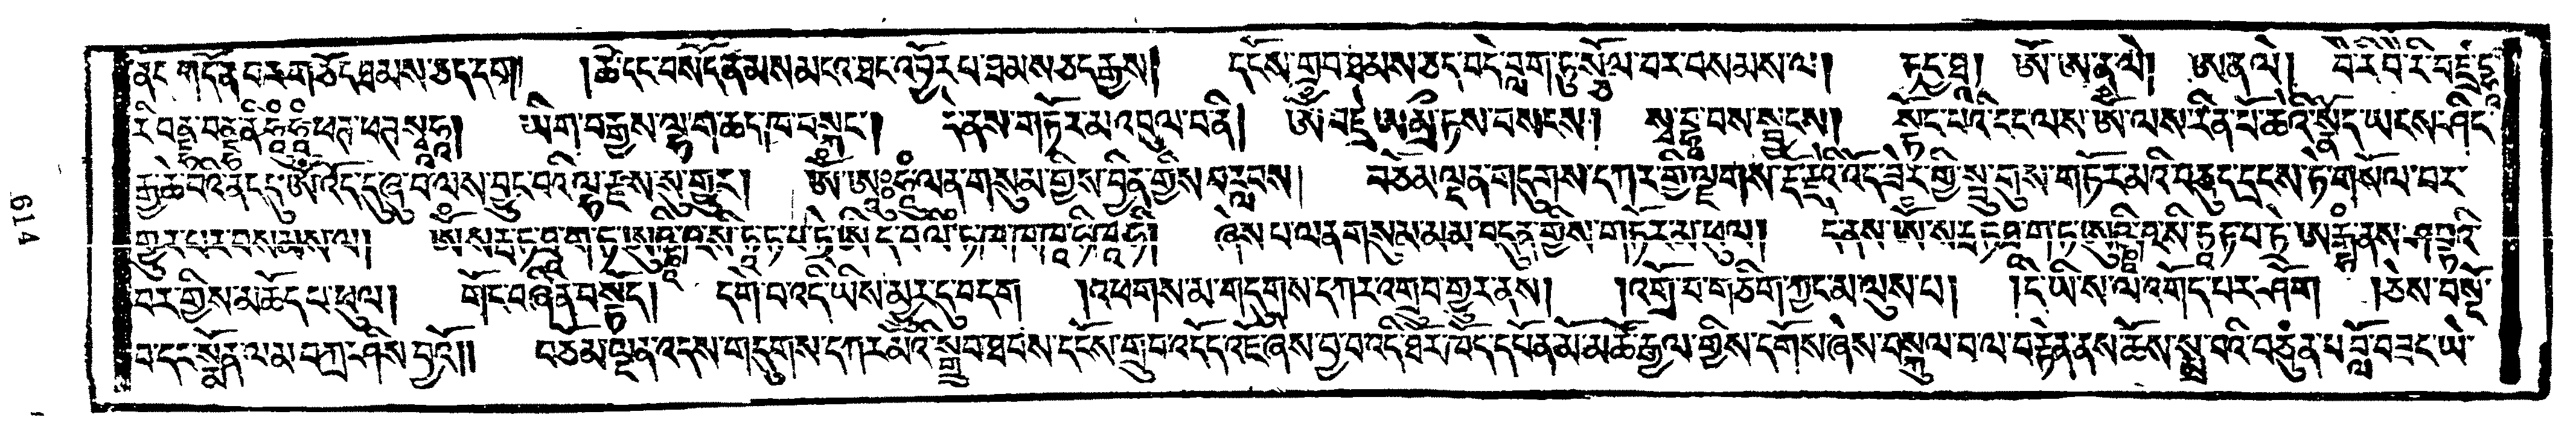ནད་གདོན་བར་གཅོད་ཐམས་ཅད་དག། །ཚེ་དང་བསོད་ནམས་མངའ་ཐང་འབྱོར་པ་ཐམས་ཅད་རྒྱས། དངོས་གྲུབ་ཐམས་ཅད་བདེ་བླག་ཏུ་སྩོལ་བར་བསམས་ལ། ཏདྱ་ཐཱ། ཨོ་ཨ་ན་ལེ། ཨ་ན་ལེ། བཻ་རི་བཻ་རི་བཛྲ་དྷཱ་
རི་བནྡྷ་བནྡྷ་ནི་ཧཱུཾ་ཧཱུཾ་ཕཊ་ཕཊ་སྭཱཧཱ། ཡིག་བརྒྱས་ལྷག་ཆད་ཁ་བསྐང་། དེ་ནས་གཏོར་མ་འབུལ་བ་ནི། ཨོཾ་བཛྲེ་ཨ་མྲྀ་ཏས་བསངས། སྭ་བྷཱ་བས་སྦྱངས། སྟོང་པའི་ངང་ལས་ཨོཾ་ལས་རིན་པོ་ཆེའི་སྣོད་ཡངས་ཤིང་
རྒྱ་ཆེ་བའི་ནང་དུ་ཨོཾ་འོད་དུ་ཞུ་བ་ལས་བྱུང་བའི་ལྷ་རྫས་སུ་གྱུར། ཨོཾ་ཨཱུཿ ཧཱུཾ་ལན་གསུམ་གྱིས་བྱིན་གྱིས་བརླབས། བཅོམ་ལྡན་གདུགས་དཀར་གྱི་ལྗགས་རྡོ་རྗེའི་འོད་ཟེར་གྱི་སྦུ་གུས་གཏོར་མའི་བཅུད་དྲངས་ཏེ་གསོལ་བར་
གྱུར་པར་བསམས་ལ། ཨོཾ་སརྦ་ཏ་ཐཱ་ག་ཏ་ཨུཥྞཱི་ཥ་སི་ཏཱ་ཏ་པ་ཏྲེ་ཨི་ད་བ་ལིཾ་ཏ་ཁ་ཁ་ཁཱ་ཧི་ཁཱ་ཧི། ཞེས་པ་ལན་གསུམ་མམ་བདུན་གྱིས་གཏོར་མ་ཕུལ། དེ་ནས་ཨོཾ་སརྦ་ཏ་ཐཱ་ག་ཏ་ཨུཥྞཱི་ཥ་སི་ཏཱ་ཏ་པ་ཏེ་ཨརྒྷཾ་ནས་ཤབཏཱི་
བར་གྱིས་མཆོད་པ་ཕུལ། གོང་བཞིན་བསྟོད། དགེ་བ་འདི་ཡིས་མྱུར་དུ་བདག །འཕགས་མ་གདུགས་དཀར་འགྲུབ་གྱུར་ནས། །འགྲོ་བ་གཅིག་ཀྱང་མ་ལུས་པ། །དེ་ཡི་ས་ལ་འགོད་པར་ཤོག །ཅེས་བསྔོ་
བ་དང་སྨོན་ལམ་བཀྲ་ཤིས་བྱའོ།། བཅོམ་ལྡན་འདས་གདུགས་དཀར་མོའི་སྒྲུབ་ཐབས་དངོས་གྲུབ་འདོད་འཇོ་ཞེས་བྱ་བ་འདི་ཐོར་ཁོད་དཔོན་མོ་མཚོ་རྒྱལ་གྱིས་དགོས་ཞེས་བསྐུལ་བ་ལ་བརྟེན་ནས་ཆོས་སྨྲ་བའི་བཙུན་པ་བློ་བཟང་ཡེ་